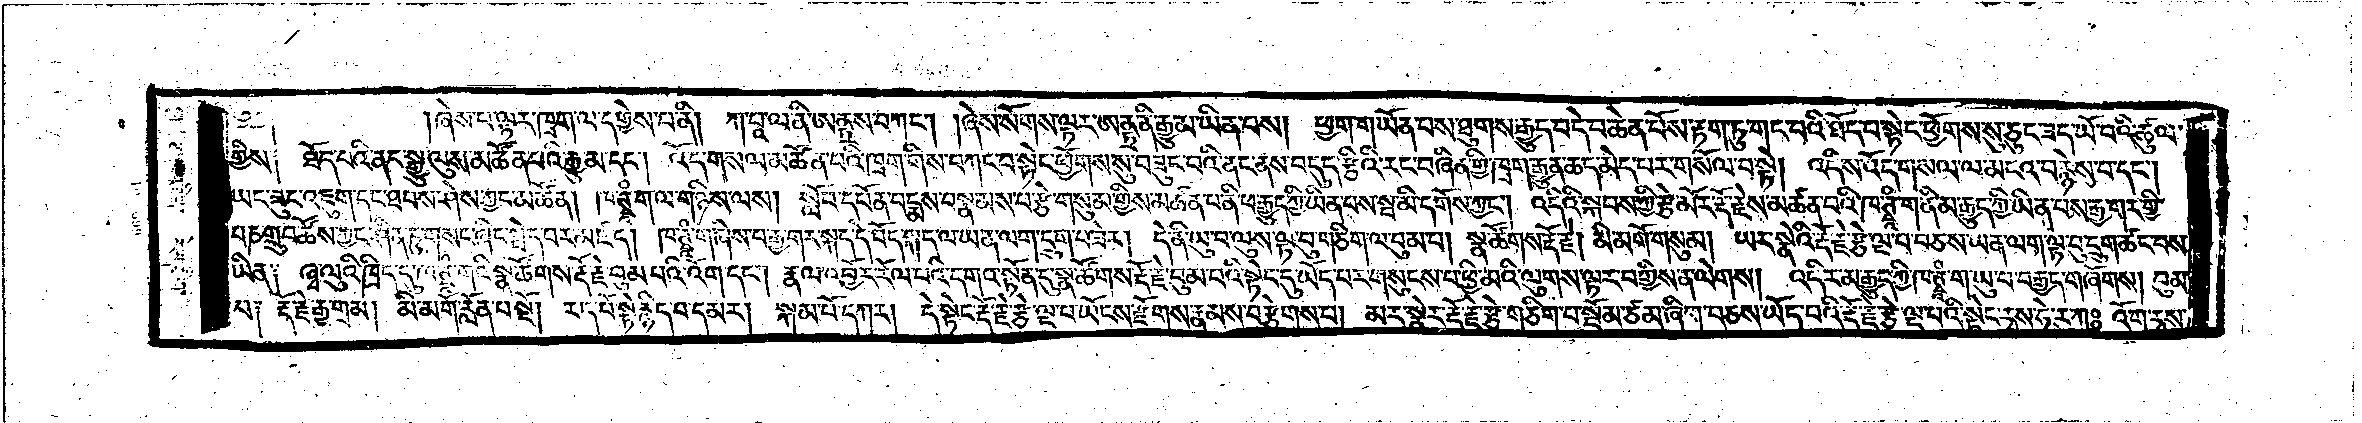༄༅། །ཞེས་པ་ལྟར་ཁྲག་ལ་དགྱེས་པ་ནི། ཀ་བཱ་ལ་ནི་ཨནྟྲས་བཀང་། །ཞེས་སོགས་ལྟར་ཨནྟྲ་ནི་རྒྱུ་མ་ཡིན་པས། ཕྱག་གཡོན་པས་ཐུགས་རྒྱུད་བདེ་བ་ཆེན་པོས་རྟག་ཏུ་གང་བའི་ཐོད་པ་སྟེང་ཕྱོགས་སུ་ཅུང་ཟད་ཡོ་བའི་ཚུལ་
གྱིས༑ ཐོད་པའི་ནང་སྒྱུ་ལུས་མཚོན་པའི་རྒྱུ་མ་དང་། འོད་གསལ་མཚོན་པའི་ཁྲག་གིས་བཀང་བ་སྟེང་ཕྱོགས་སུ་བཟུང་བའི་ནང་ནས་བདུད་རྩིའི་རང་བཞིན་གྱི་ཁྲག་རྒྱུན་ཆད་མེད་པར་གསོལ་བ་སྟེ། འདིས་འོད་གསལ་ལ་མངའ་བརྙེས་པ་དང་།
ཡང་ཟུང་འཇུག་དང་ཐབས་ཤེས་ཀྱང་མཚོན། ཁ་ཊརའཾ་ག་ལ་གཉིས་ལས། སློབ་དཔོན་པདམས་བསྣམས་བརྩེ་གསུམ་གྱིས་མཚན་པ་ནི་བརྒྱུད་ཀྱི་ཡིན་པས་སྦ་མི་དགོས་ཀྱང་། འདིའི་སྐབས་ཀྱི་རྩེ་མོར་རྡོ་རྗེས་མཚན་པའི་ཁ་ཊཝའཾ་ག་ནི་མ་རྒྱུད་ཀྱི་ཡིན་པས་རྒྱ་གར་གྱི་
པཎ་གྲུབ་ཚོས་ཀྱང་ཤིན་ཏུ་གསང་ཞིང་སྦེད་པར་མཛད། ཁ་ཊཝའཾ་ག་ཞེས་པ་རྒྱ་གར་སྐད་དེ་བོད་སྐད་ལ་ཡན་ལག་དྲུག་པ་ཟེར། དེ་ནི་ཡུ་བ་ལུས་ལྟ་བུ་གཅིག་ལ་བུམ་པ། སྣ་ཚོགས་རྡོ་རྗེ། མི་མགོ་གསུམ། ཡར་སྣེའི་རྡོ་རྗེ་རྩེ་ལྔ་པ་བཅས་ཡན་ལག་ལྟ་བུ་དྲུག་ཚང་བས་
ཡིན༑ ཞྭ་ལུའི་ཁྲིད་དུ་ཁ་ཊཝའཾ་གའི་སྣ་ཚོགས་རྡོ་རྗེ་བུམ་པའི་འོག་དང་། རྣལ་འབྱོར་རོལ་པའི་དགའ་སྟོན་དུ་སྣ་ཚོགས་རྡོ་རྗེ་བུམ་པའི་སྟེང་དུ་ཡོད་པར་གསུངས་པ་ཕྱི་མའི་ལུགས་ལྟར་བ་གྱིས་ན་ལེགས། འདིར་མ་རྒྱུད་ཀྱི་ཁ་ཊཝའཾ་ག་ཡུ་བ་བརྒྱད་གཞོགས། བུམ་
པ༑ རྡོ་རྗེ་རྒྱ་གྲམ། མི་མགོ་རློན་པ་སྔོ། རད་པོ་སྟེ་རྙིད་པ་དམར། སྐམ་པོ་དཀར། དེ་སྟེང་རྡོ་རྗེ་རྩེ་ལྔ་པ་ཡོངས་རྫོགས་རྣམས་བརྩེགས་པ། མར་སྣེར་རྡོ་རྗེ་རྩེ་གཅིག་པ་སྦོམ་ཙམ་ཞིག་བཅས་ཡོད་པའི་རྡོ་རྗེ་རྩེ་ལྔ་པའི་སྟེང་རྭས་ཧེ་རུ་ཀཿ་འོག་རྭས་